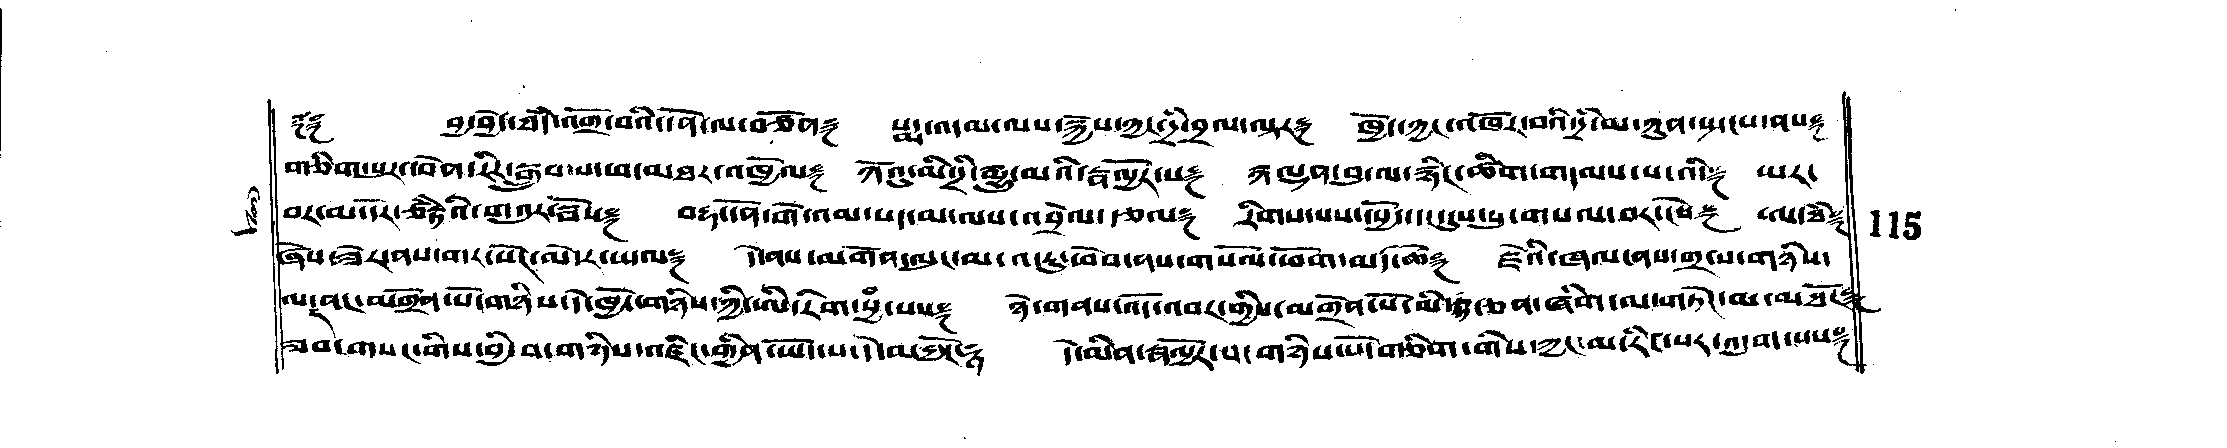།བྱ་བྱེད་ཐམས་ཅད་འགྲོ་བའི་དོན་ལ་བཙོན། །པདྨ་འདམ་ལས་སྐྱེས་ཀྱང་དྲི་བྲལ་ལྟར། ཁྱོད་ཀྱང་འཁོར་བའི་དྲི་མ་ཀུན་སྤངས་ནས། །
གཅིག་པུར་དབེན་རིར་སྒྲུབ་པ་ཕ་མཐར་འཁྱོལ། །ཀོའུ་མི་ཏྲི་གཉུག་མའི་རྣལ་འབྱོར་པ། །སྐལ་ལྡན་བུ་ལ་སྙིང་ཚིག་གདམས་པ་འདི། །ཡལ་
བར་མ་དོར་ཙིཏྟའི་གའུར་སྦོས། །བརྡ་དོན་གོའམ་པདྨ་ལས་འབྲེལ་རྩལ། །རིགས་པས་དཔྱོད་དང་དུས་སུ་གསལ་བར་ངེས། ཨ་ཐམ། 
ཞེས་ཟེར་ནས་གར་སོང་མེད་པར་ཡལ། དེ་ནས་མགོན་ལུང་མདའ་རུ་ཕེབས་ནས་གསོལ་ཕོག་མཛད་ཚེ། རྗེའི་ཞལ་ནས་གྲྭ་པ་གཉིས་
ལ་ད་ནངས་མགྲོན་པོ་གཉིས་དེ་ཁྱོད་གཉིས་ཀྱི་ཨི་རིག་གསུང་པས། ཉེ་གནས་འོད་འབར་གྱིས་མགྲོན་པོ་མི་རྟ་ཅན་ཞིག་མ་གཏོགས་མ་མཐོང་། 
ཟབ་གསང་གིས་བྱི་བ་གཉིས་འཛིང་གྱིན་ཡོད་པ་དེ་མཐོང་། དེ་མིན་རྣལ་འབྱོར་པ་གཉིས་པོ་གཅིག་གིས་ཀྱང་མ་རིག་པར་འདུག་པས།